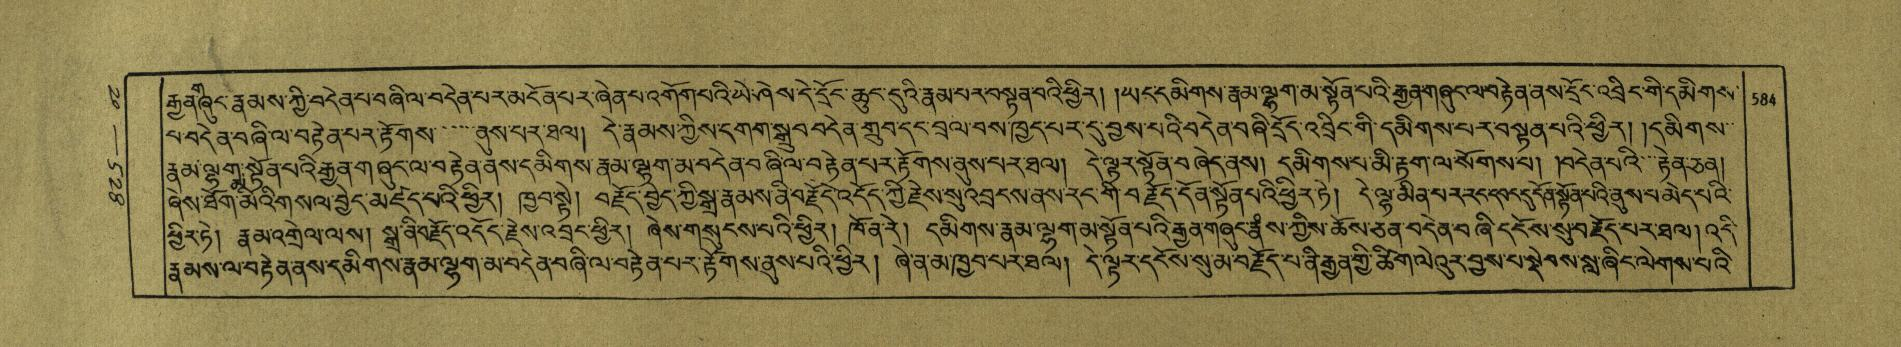རྒྱན་གཞུང་རྣམས་ཀྱི་བདེན་པ་བཞི་ལ་བདེན་པར་མངོན་པར་ཞེན་པ་འགོག་པའི་ཡེ་ཤེས་དེ་དྲོང་ཆུང་དུའི་རྣམ་པར་བསྟན་པའི་ཕྱིར། །ཡང་དམིགས་རྣམ་ལྷག་མ་སྟོན་པའི་རྒྱན་གཞུང་ལ་བརྟེན་ནས་དྲོང་འབྲིང་གི་དམིགས་
པ་བདེན་བཞི་ལ་བརྟེན་པར་རྟོགས་ནུས་པར་ཐལ། དེ་རྣམས་ཀྱིས་དགག་སྒྲུབ་བདེན་གྲུབ་དང་བྲལ་བས་ཁྱད་པར་དུ་བྱས་པའི་བདེན་བཞི་དྲོད་འབྲིང་གི་དམིགས་པར་བསྟན་པའི་ཕྱིར། །དམིགས་
རྣམ་ལྷག་མ་སྟོན་པའི་རྒྱན་གཞུང་ལ་བརྟེན་ནས་དམིགས་རྣམ་ལྷག་མ་བདེན་བཞི་ལ་བརྟེན་པར་རྟོགས་ནུས་པར་ཐལ། དེ་ལྟར་སྟོན་བཞེད་ནས། དམིགས་པ་མི་རྟག་ལ་སོགས་པ། །བདེན་པའི་རྟེན་ཅན།
ཞེས་ཐོག་མིའི་གསལ་བྱེད་མཛད་པའི་ཕྱིར། ཁྱབ་སྟེ། བརྗོད་བྱེད་ཀྱི་སྒྲ་རྣམས་ནི་བརྗོད་འདོད་ཀྱི་རྗེས་སུ་འབྲངས་ནས་རང་གི་བརྗོད་དོན་སྟོན་པའི་ཕྱིར་ཏེ། དེ་ལྷ་མིན་པར་རང་དབང་དུ་དོན་སྟོན་པའི་ནུས་པ་མེད་པའི་
ཕྱིར་ཏེ། རྣམ་འགྲེལ་ལས། སྒྲ་ནི་བརྗོད་འདོད་རྗེས་འབྲང་ཕྱིར། ཞེས་གསུངས་པའི་ཕྱིར། ཁོ་ན་རེ། དམིགས་རྣམ་ལྷག་མ་སྟོན་པའི་རྒྱན་གཞུང་རྣམས་ཀྱིས་ཆོས་ཅན་བདེན་བཞི་དངོས་སུ་བརྗོད་པར་ཐལ། འདི་
རྣམས་ལ་བརྟེན་ནས་དམིགས་རྣམ་ལྷག་མ་བདེན་བཞི་ལ་བརྟེན་པར་རྟོགས་ནུས་པའི་ཕྱིར། ཞེ་ན་མ་ཁྱབ་པར་ཐལ། དེ་ལྟར་དངོས་སུ་མ་བརྗོད་པ་ནི་རྒྱན་གྱི་ཚིག་ལེའུར་བྱས་པ་སྡེབས་སླ་ཞིང་ལེགས་པའི་